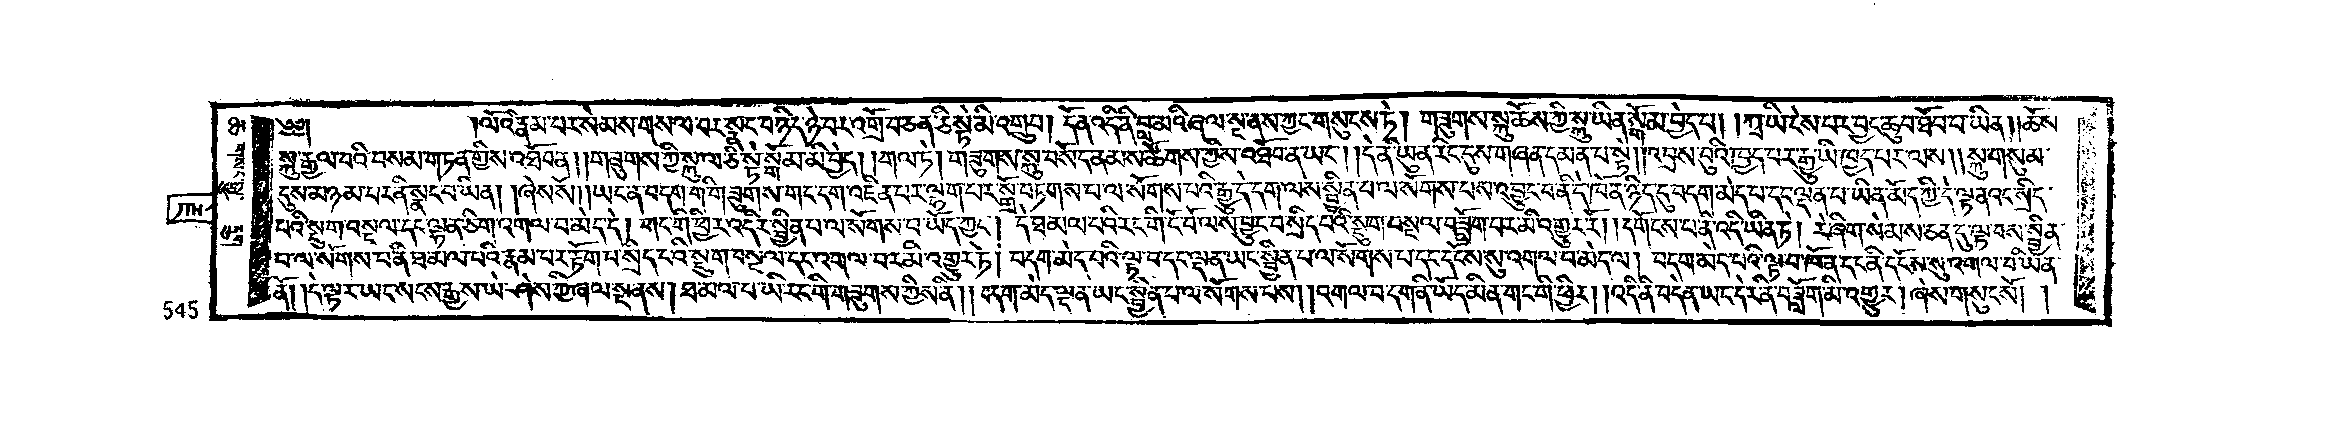༄༅། །ལོའི་རྣམ་པར་སེམས་གསལ་བར་སྣང་བ་ཉིད་ཉེ་བར་འགྲོ་བ་ཅན་ཅི་སྟེ་མི་འགྲུབ། དོན་འདི་ནི་བླ་མའི་ཞལ་སྔ་ནས་ཀྱང་གསུངས་ཏེ། གཟུགས་སྐུ་ཆོས་ཀྱི་སྐུ་ཡིན་སྒོམ་བྱེད་པ། །ཀྭ་ཡི་ངེས་པར་བྱང་ཆུབ་ཐོབ་པ་ཡིན། །ཆོས་
སྐུ་རྒྱལ་བའི་བསམ་གཏན་གྱིས་འཐོབ་ན། །གཟུགས་ཀྱི་སྐུ་ལ་ཅི་སྟེ་སྒོམ་མི་བྱེད། །གལ་ཏེ། གཟུགས་སྐུ་བསོད་ནམས་ཚོགས་ཀྱིས་འཐོབ་ན་ཡང་། །དེ་ནི་ཡུན་རིང་དུས་གཞན་དམན་པ་སྟེ། །འབྲས་བུའི་ཁྱད་པར་རྒྱུ་ཡི་ཁྱད་པར་ལས། །སྐུ་གསུམ་
དུས་མཉམ་པར་ནི་སྣང་བ་ཡིན། །ཞེས་སོ། །ཡང་ན་བདག་གི་གཟུགས་གང་དག་འཛིན་པར་ལྷག་པར་སྒྲོ་བཏགས་པ་ལ་སོགས་པའི་རྒྱུ་དེ་དག་ལས་སྦྱིན་པ་ལ་སོགས་པས་འབྱུང་བ་ནི་དེ་ཁོ་ན་ཉིད་དུ་བདག་མེད་པ་དང་ལྡན་པ་ཡིན་མོད་ཀྱི་དེ་ལྟ་ནའང་སྲིད་
པའི་སྡུག་བསྔལ་དང་ལྷན་ཅིག་འགལ་བ་མེད་དེ། གང་གི་ཕྱིར་འདིར་སྦྱིན་པ་ལ་སོགས་པ་ཡོད་ཀྱང་། དེ་ཐ་མལ་པའི་རང་གི་ངོ་བོ་ལས་བྱུང་བ་སྲིད་པའི་སྡུག་བསྔལ་བཟློག་པར་མི་འགྱུར་རོ། །དགོངས་པ་ནི་འདི་ཡིན་ཏེ། རེ་ཞིག་སེམས་ཅན་དུ་ལྟ་བས་སྦྱིན་
པ་ལ་སོགས་པ་ནི་ཐ་མལ་པའི་རྣམ་པར་རྟོག་པ་སྲིད་པའི་སྡུག་བསྔལ་དང་འགལ་བར་མི་འགྱུར་ཏེ། བདག་མེད་པའི་ལྟ་བ་དང་ལྡན་ཡང་སྦྱིན་པ་ལ་སོགས་པ་དང་དངོས་སུ་འགལ་བ་མེད་ལ། བདག་མེད་པའི་ལྟ་བ་ཁོ་ན་དང་ནི་དངོས་སུ་འགལ་བ་ཡིན་
ནོ། །དེ་ལྟར་ཡང་སངས་རྒྱས་ཡེ་ཤེས་ཀྱི་ཞལ་སྔ་ནས། ཐ་མལ་པ་ཡི་རང་གི་གཟུགས་ཀྱིས་ནི། །བདག་མེད་ལྡན་ཡང་སྦྱིན་པ་ལ་སོགས་པས། །འགལ་བ་དག་ནི་ཡོད་མིན་གང་གི་ཕྱིར། །འདི་ནི་བདེན་ཡང་དེར་ནི་བཟློག་མི་འགྱུར། ཞེས་གསུངས་སོ། །